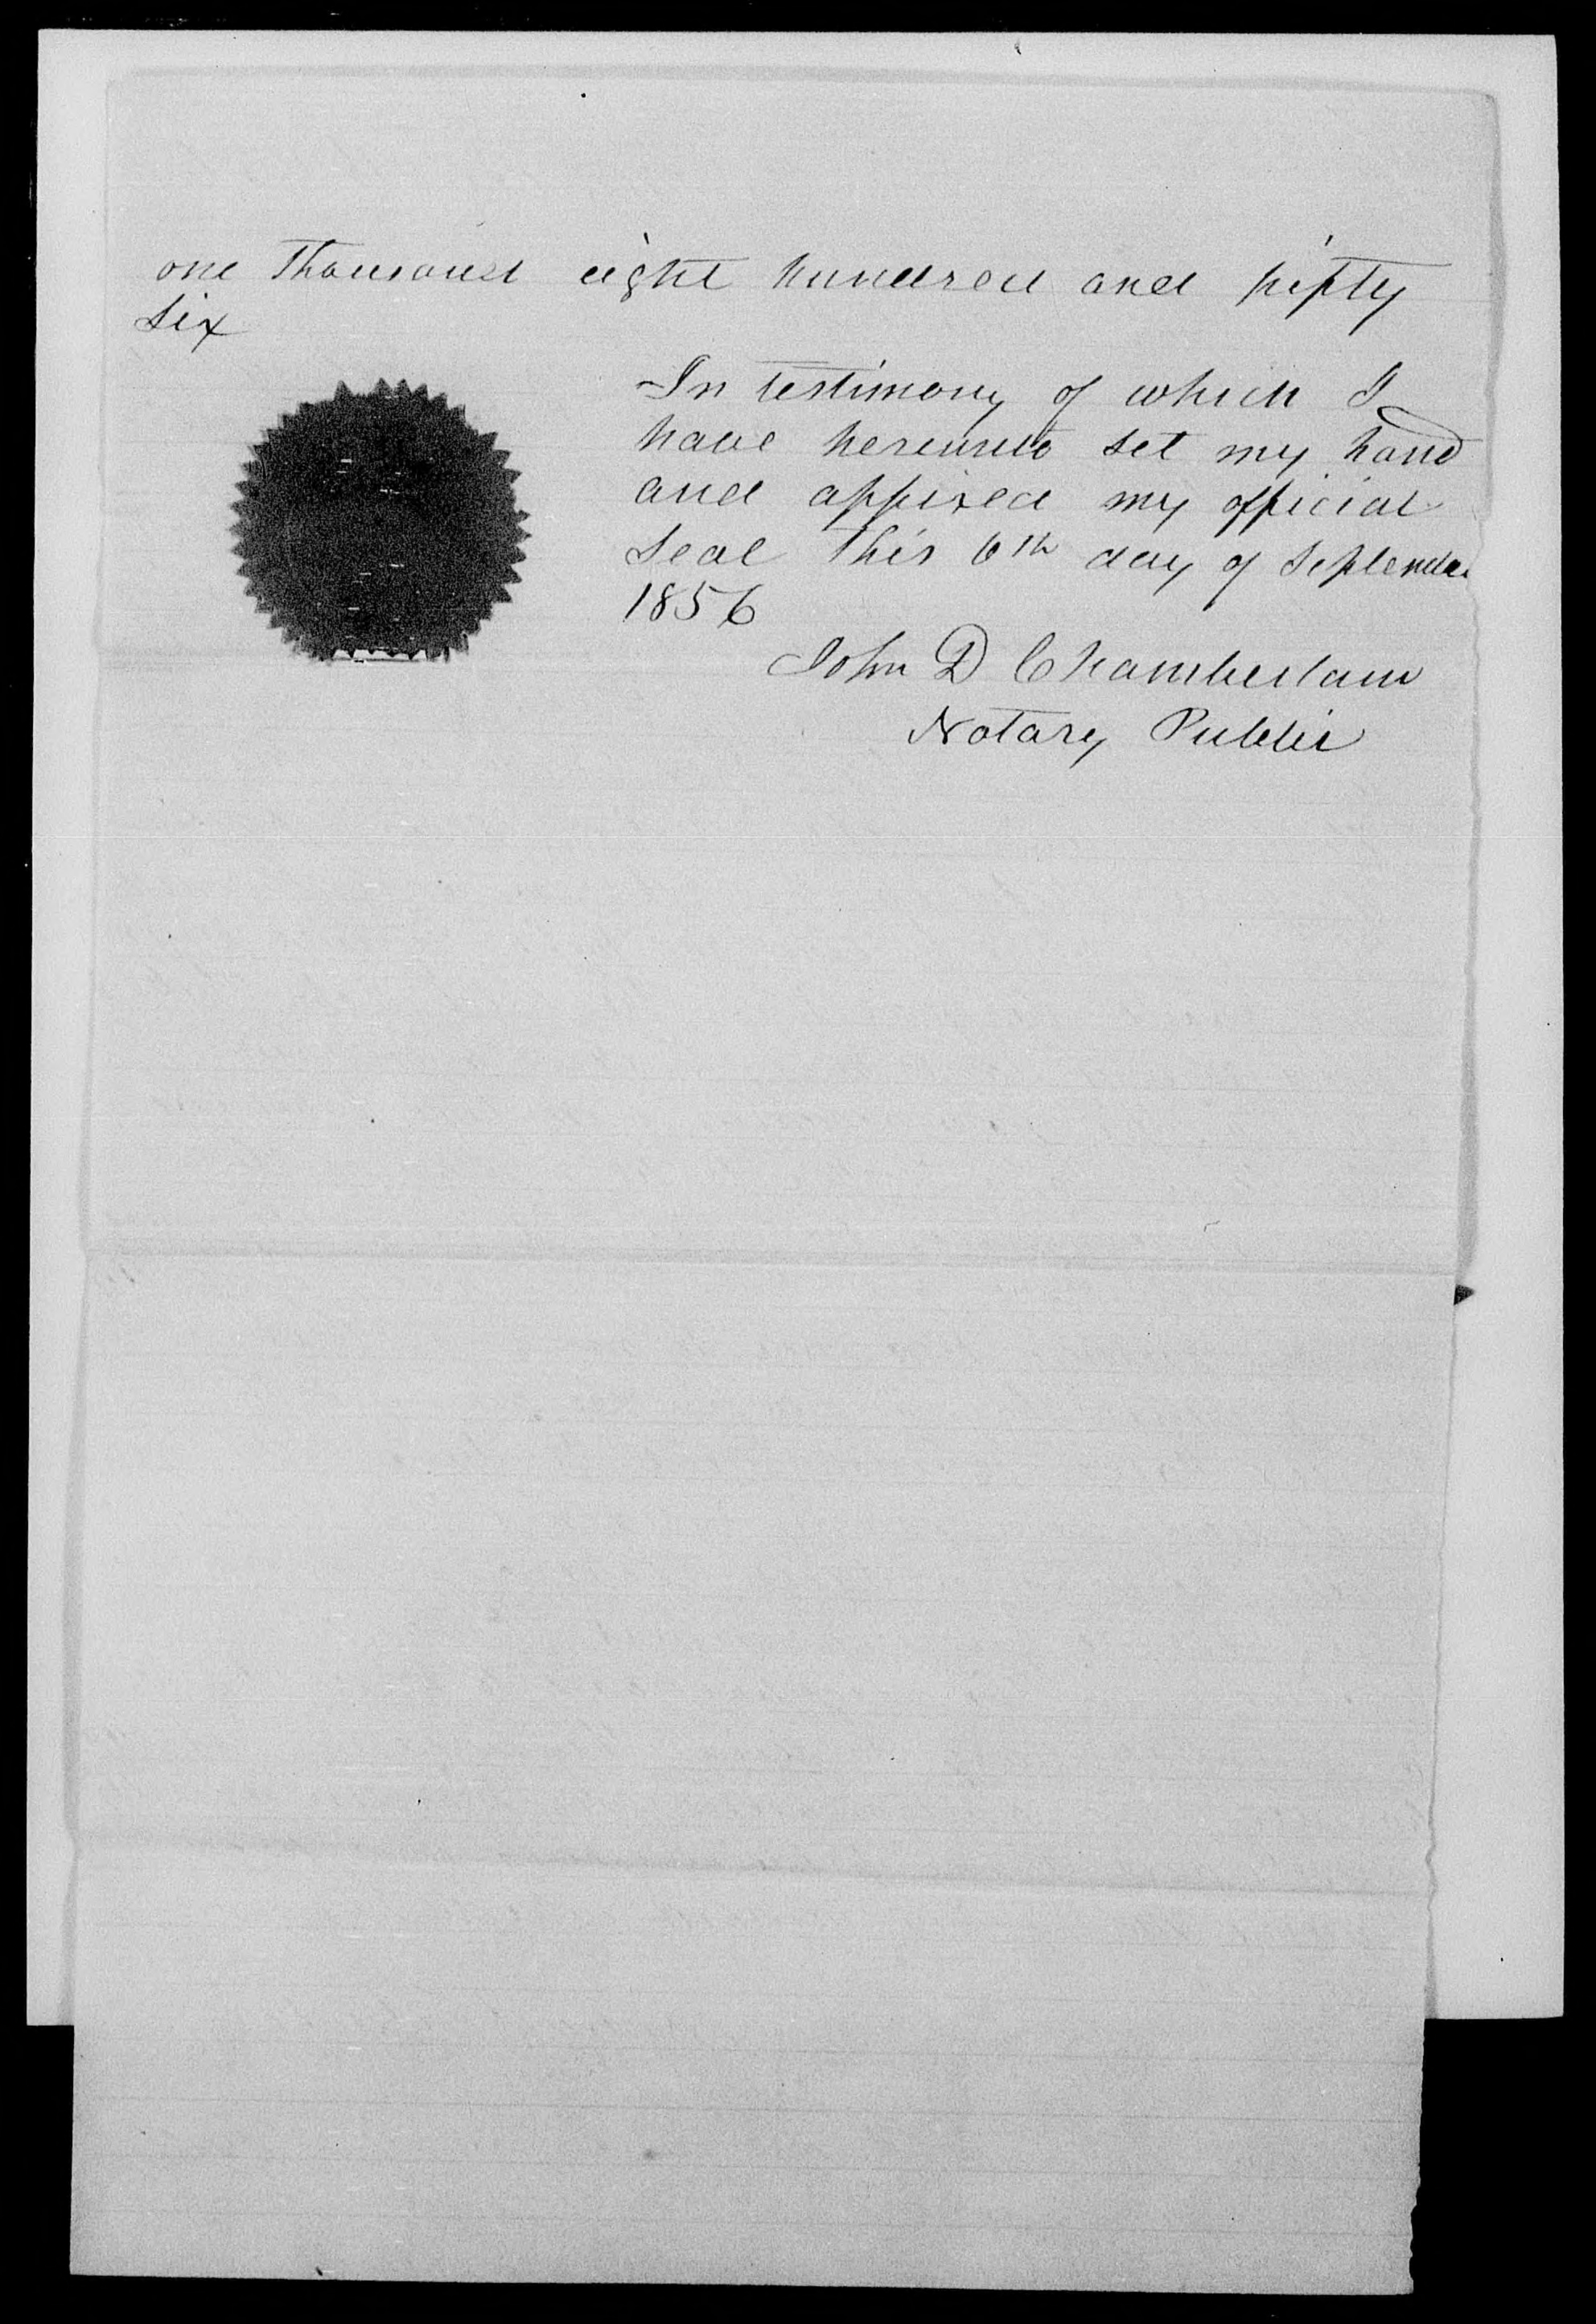one thousand eight hundred and fifty six
In testimony of which I 
have hereunto set my hand 
and affixed my official 
Seal this 6th day of September 
1856
John D Chamberlain 
Notary Public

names: John D Chamberlain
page: 15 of 33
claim: rejected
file: R. 5814, for John Keever, Maryland